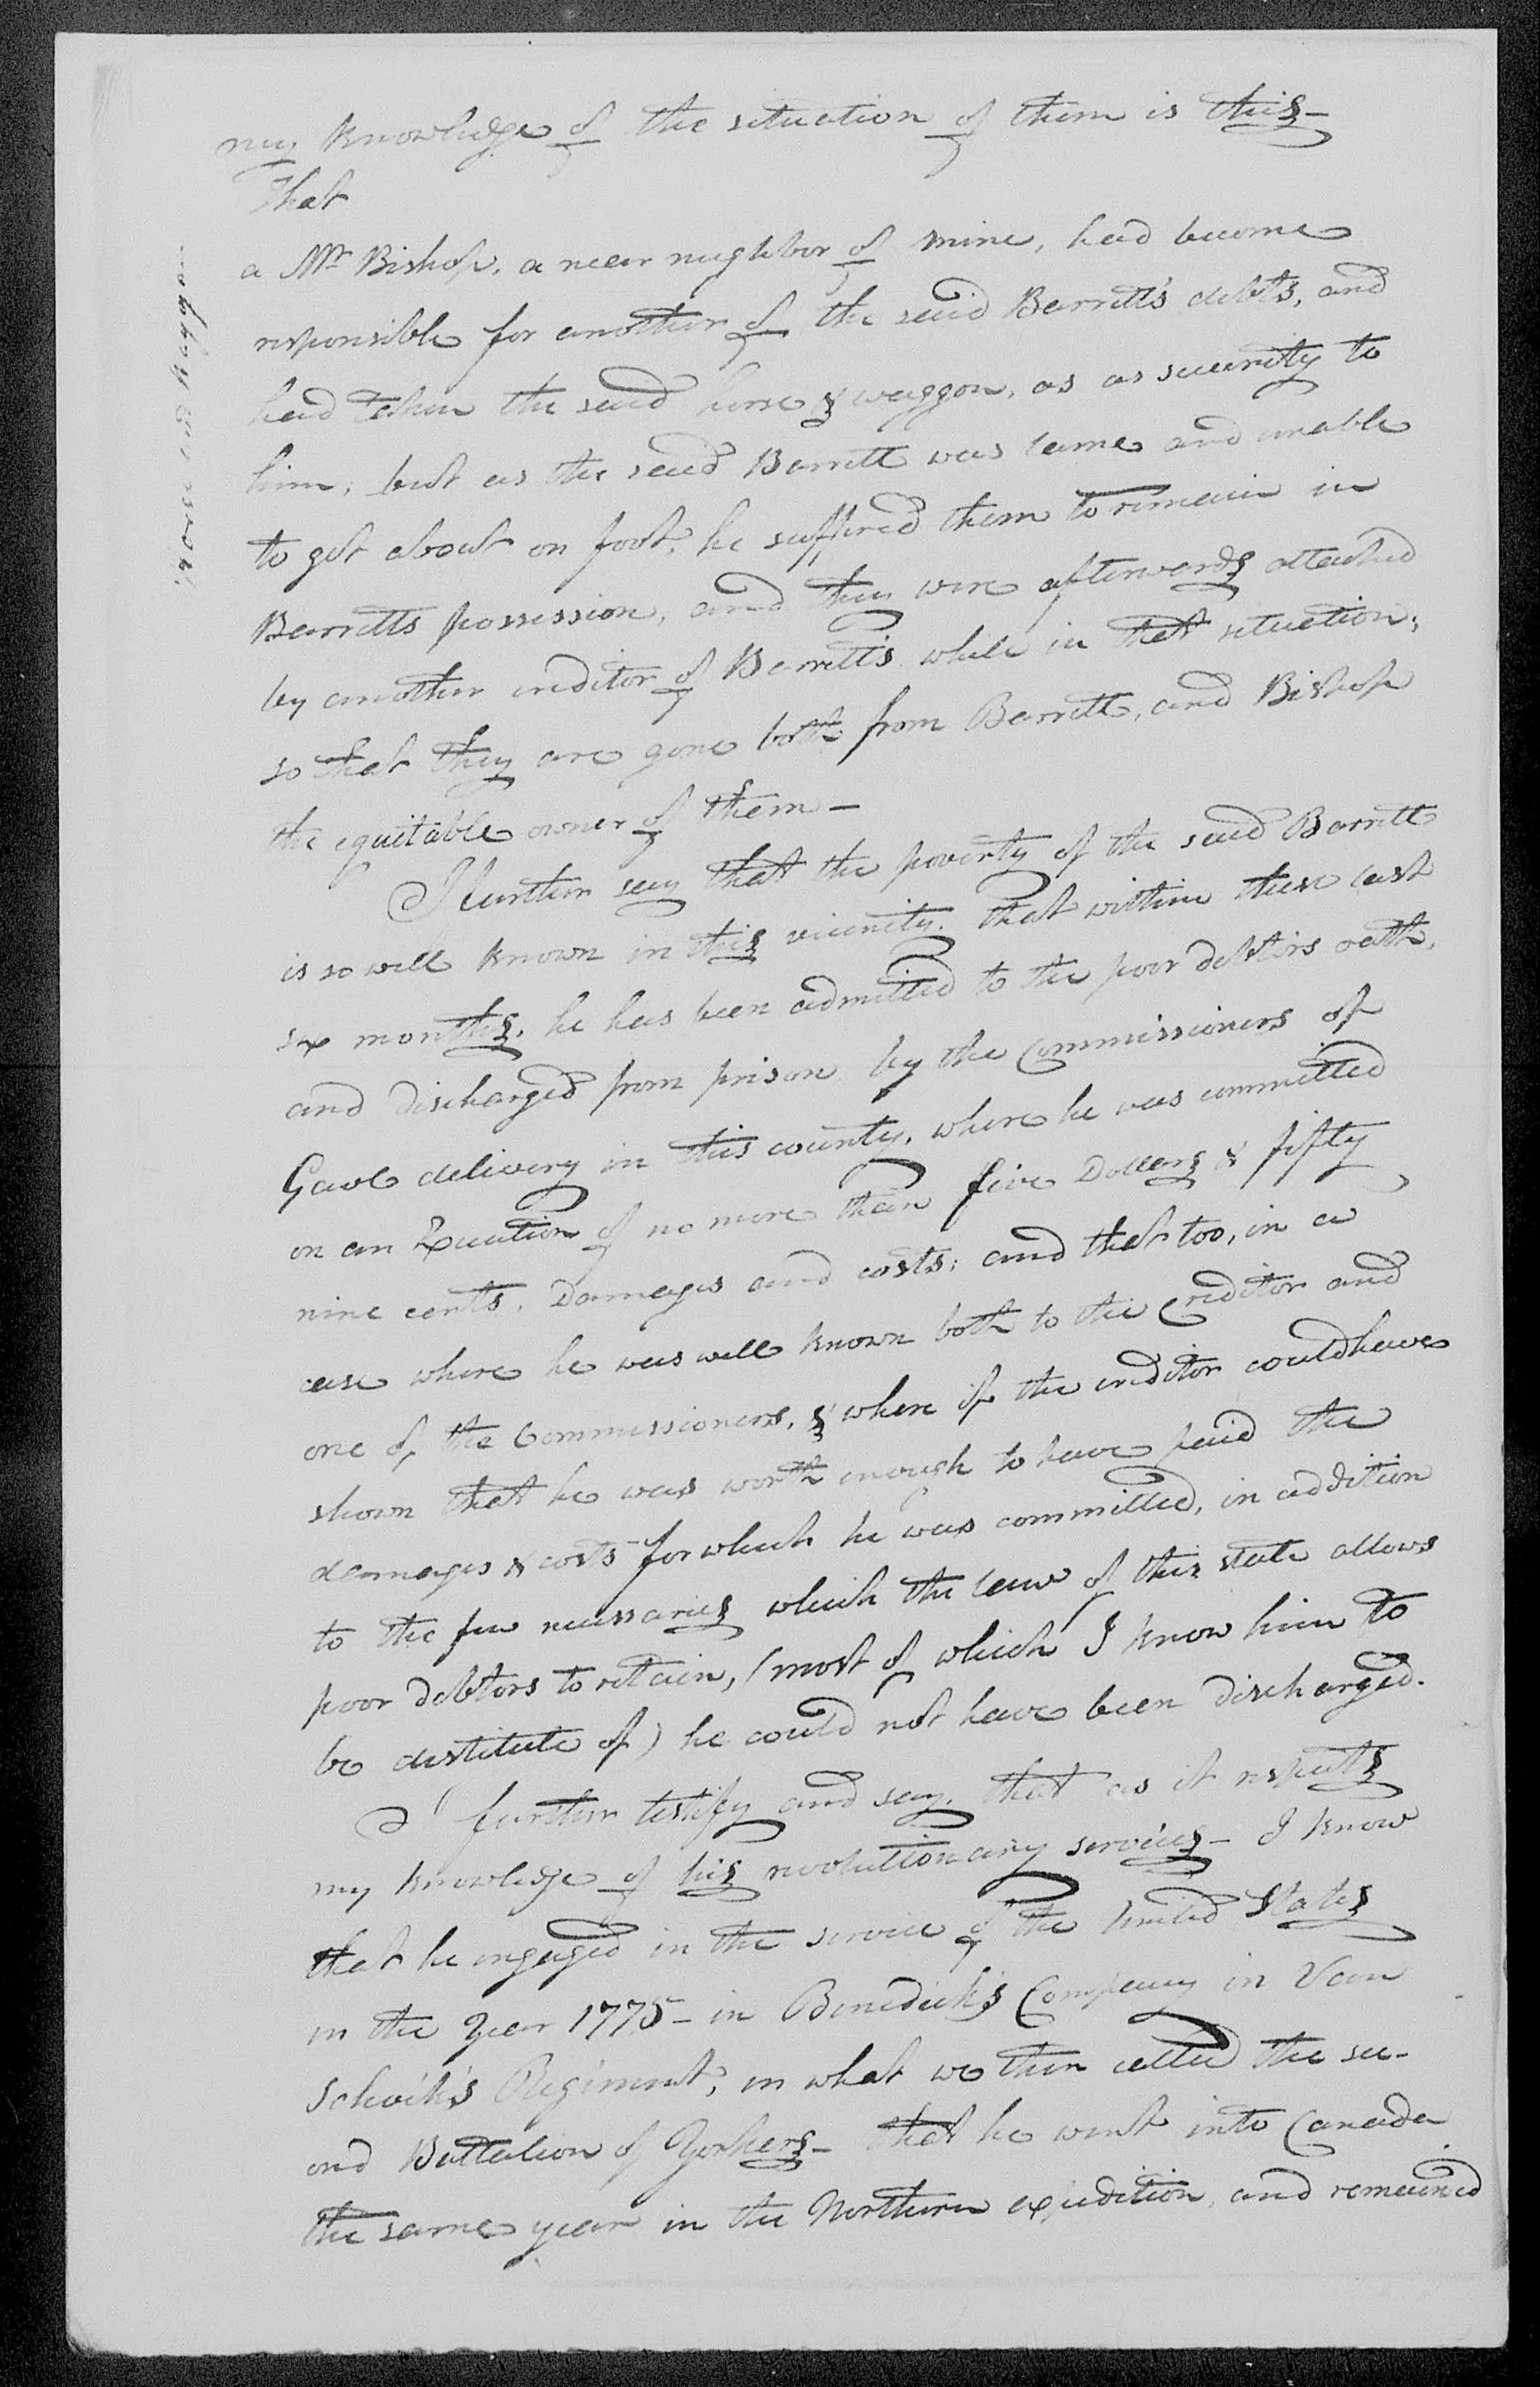my knowledge of the situation of them is this
That
a Mr Bishop a near neighbor of mine, had become responsible for another of the said Barrett's debts and had taken the said horse and waggon as a security to him, but as the said Barrett was lame and unable to get about on foot, he suffered then to remain in Barrett's possession and they were afterwards attached by another creditor of Barrett's whole in that situation, so that they are gone both from Barrett, and Bishop the equitable answer of them. 
I further say that the poverty of the said Barrett is so well known in this vicinity that within these last six months he has admitted to the poor debtors oath and discharged from prison by the commissioners of Govt delivery in this county where he was committed on execution of no more than five dollars and fifty nine cents, damages and costs and theft too, in a case where he was well known both to the condition and one of the Commissioners and when if the condition cold have shown that he was worth enough to have paid the damages and costs for which he was committed, in addition to the few necessaries which the law of this state allows poor debtors to retain (most of which I know him to be destitute of) he could not have been discharged. 
I further testify and say that as it respects my knowledge of his revolutionary services- I know that he engaged in the service of the united States in the year 1775- in Benedict's Company in Van Schaick's Regiment in what was then called the Second Battalion of Yorkers- That he went into Canada the same year in the Northern expedition and remained

Horse and waggons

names: Bishop, Barrett, Barrett, Barrett, Barrett, Barrett, Bishop, Waggon, Barrett, Jesse H Waggon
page: 41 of 83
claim: widow's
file: W. 10,384, Oliver Barrett, Continental (Vt.) N.Y.